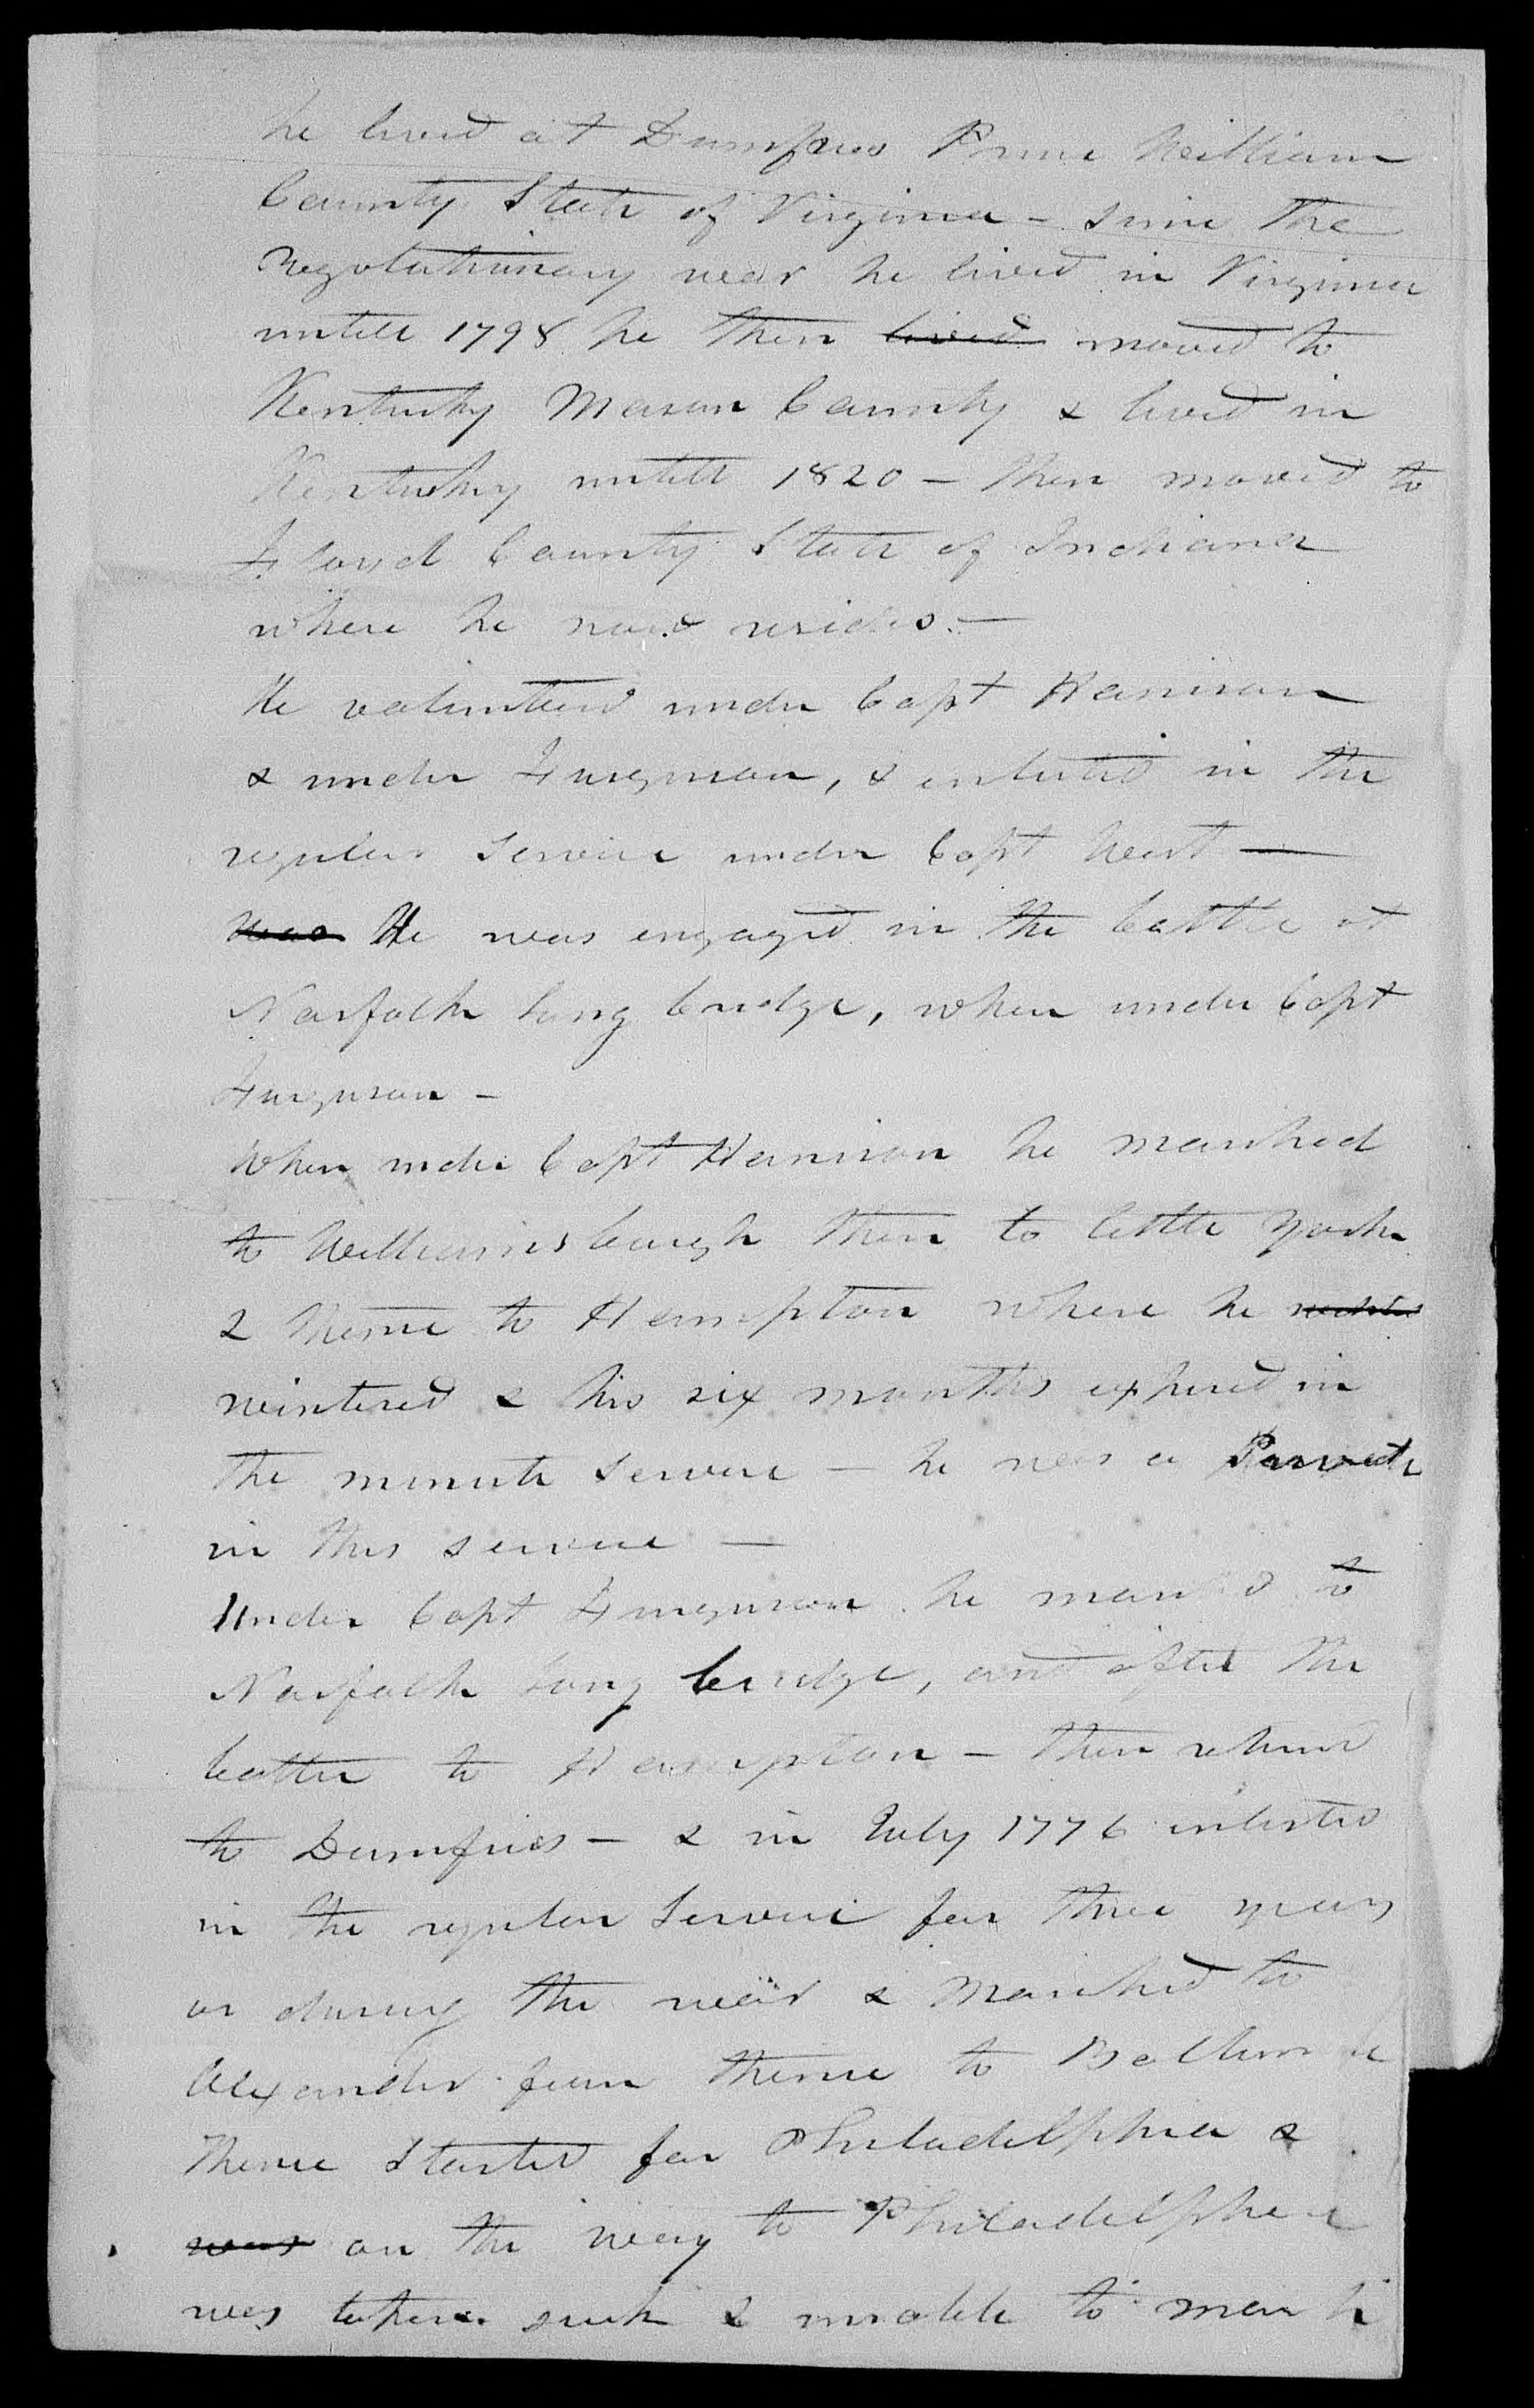he lived at Dumfares Prince William
County State of Virginia _ Since the
revolutionary war he lived in Virgina
untill 1798 he then [crossed out] lived moved to
Kentucky Mason County  & lived in
Kentucky untill 1820 _  then moved to
Floyd County State of Indiana
where he now resides-
He volunteered under Capt Harrison
& under Furguson, & enlisted in the
regular service under Capt West
[crossed out, illegible] He was engaged in the battle at
Norfolk Long bridge, when under Capt
Furguson _
When under Capt Harrison, he marched
to Williamsburgh then to little York
2 times to Hampton where he [crossed out, illegible]
wintered & his six months expired in
the minute service _ he was a private
in this service _
Under Capt Furguson he marched to
Norfolk Long bridge, and after the
latter to Hampton _ then returned to
the Dumfries _  & in July 1776 inlisted
in the regular service for three years
as during the war & marched to
Alexander from thence to [Illegible]
Thence  started for Philadelphia &
[crossed out:] was on the way to Philadelphia
was there sick & unable to march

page: 9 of 56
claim: rejected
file: R 5529, for Samuel Jackson, Virginia